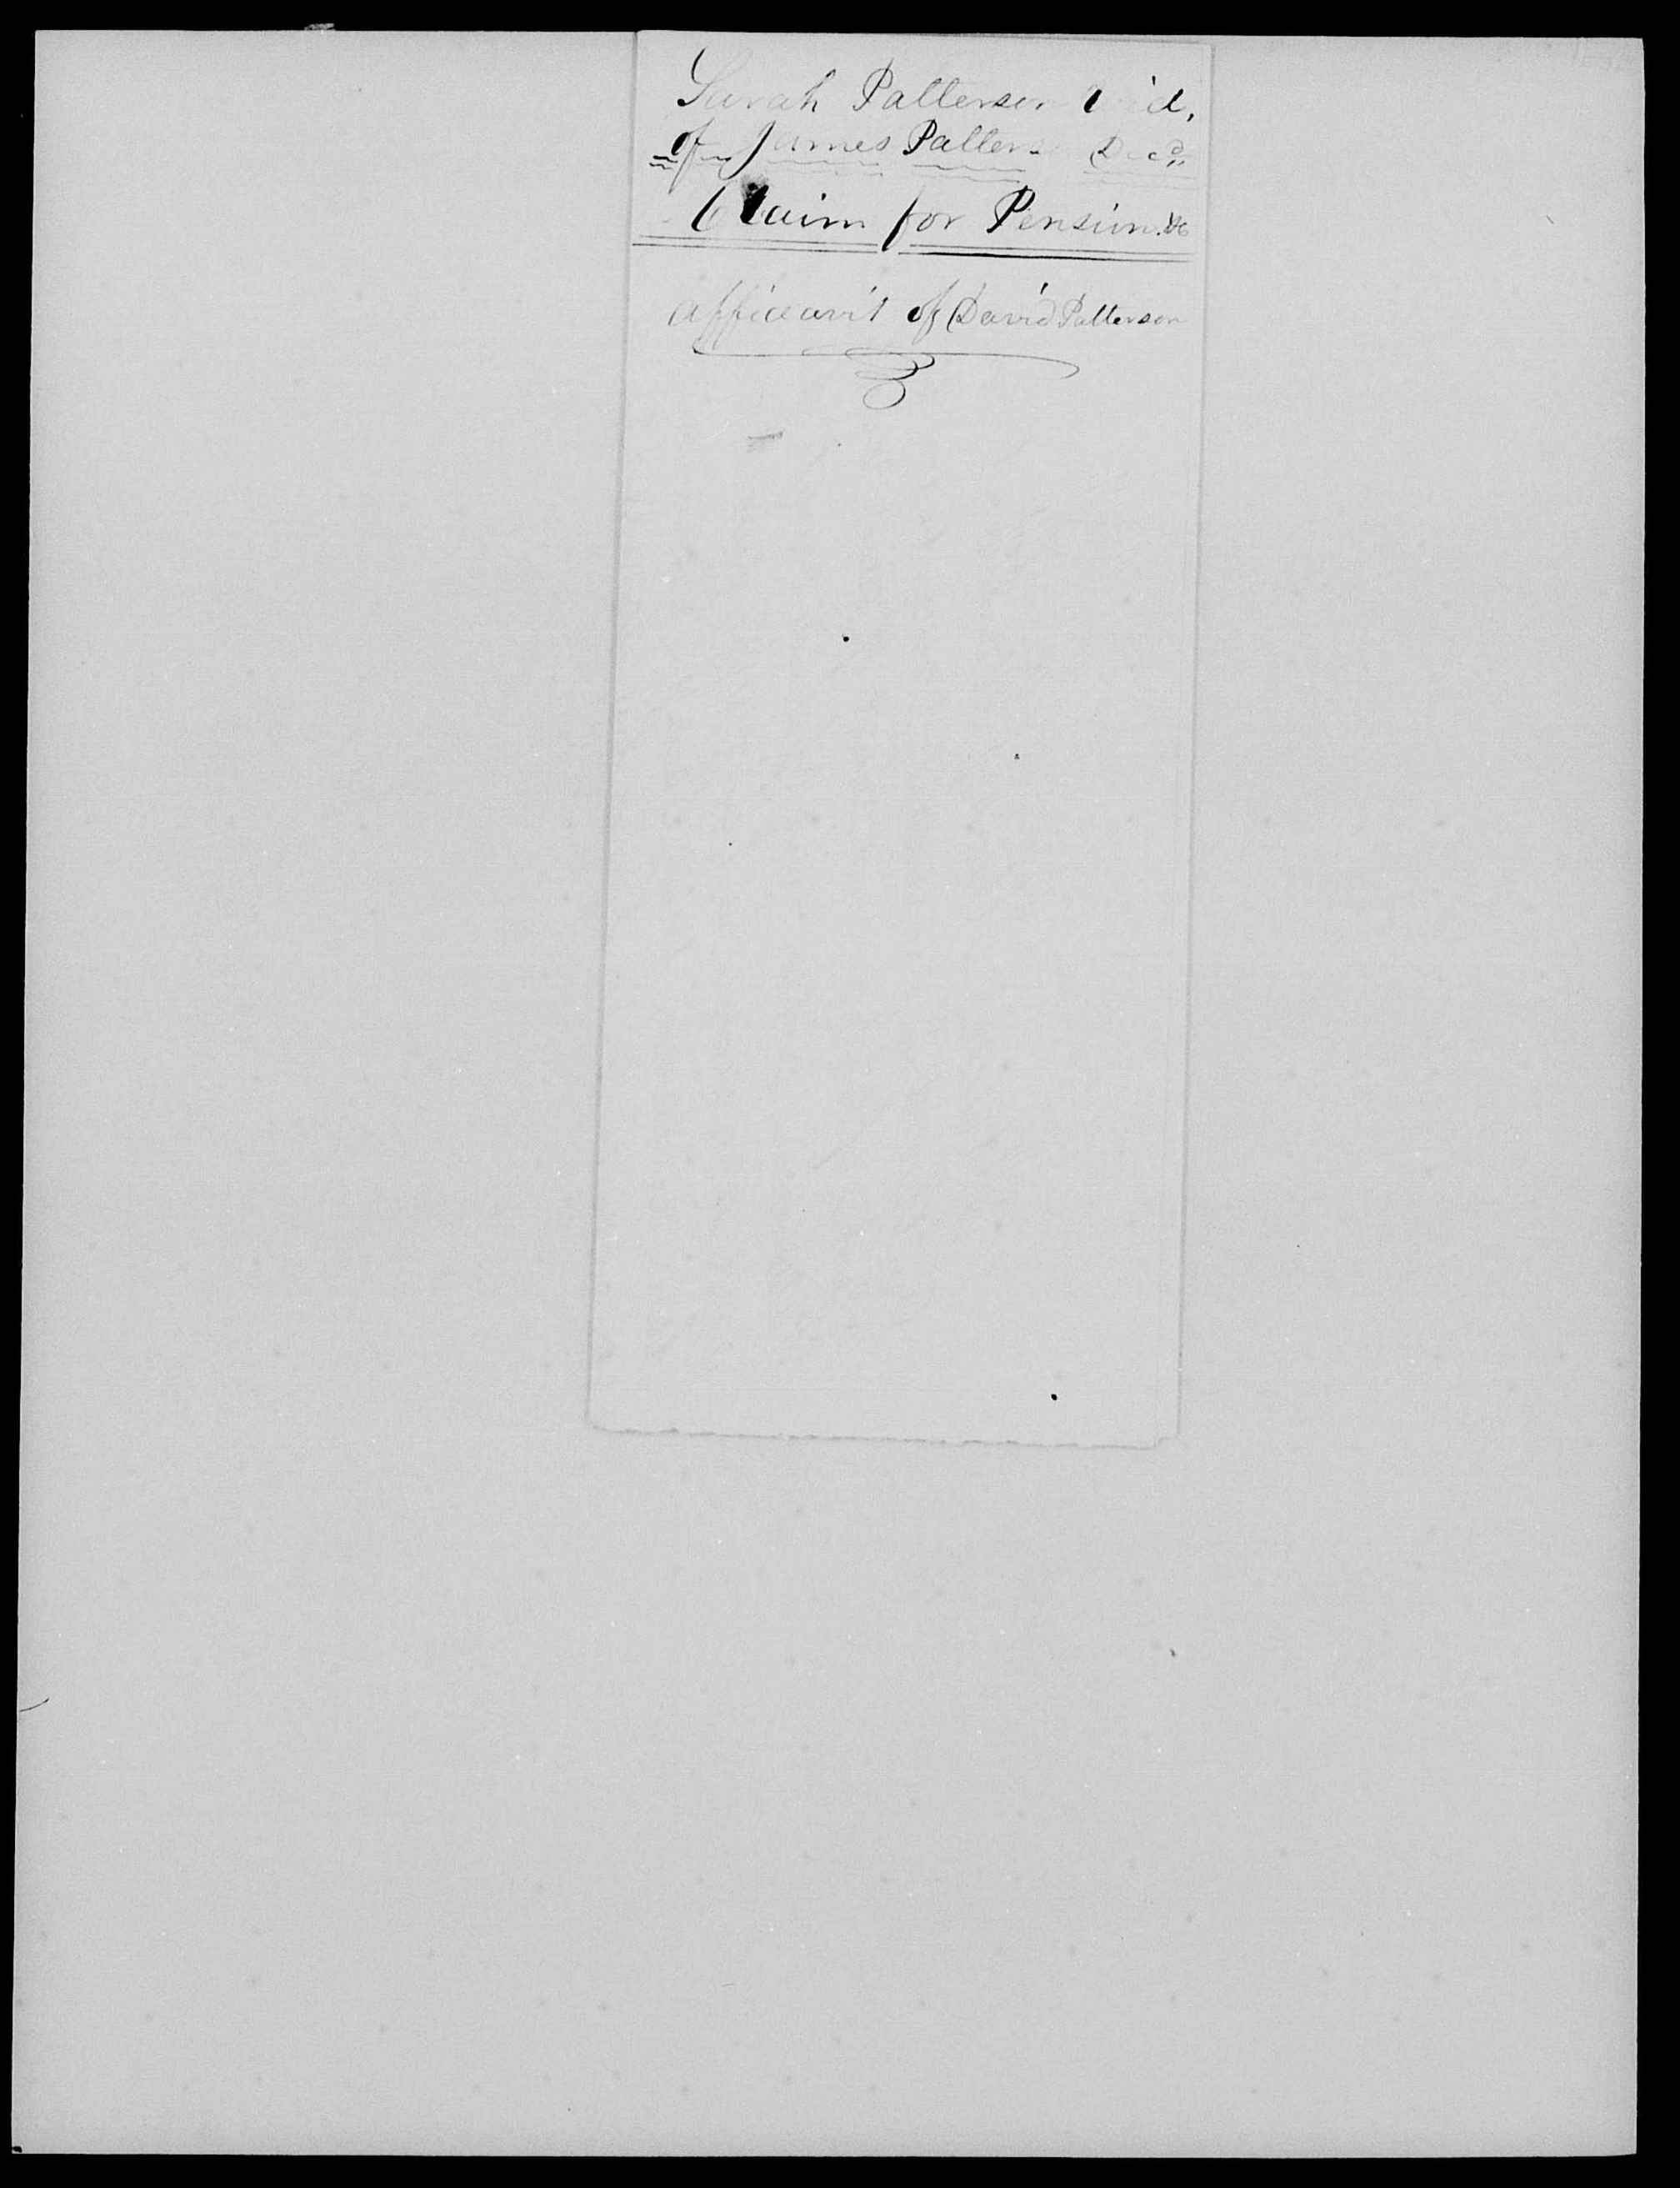Sarah Patterson Wid
of James Patterson Decd
Claim for Pension 

affidavit of David Patterson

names: David Patterson; Sarah Patterson; James Patterson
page: 46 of 69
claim: widow's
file: W. 10861, for James Patterson, North Carolina